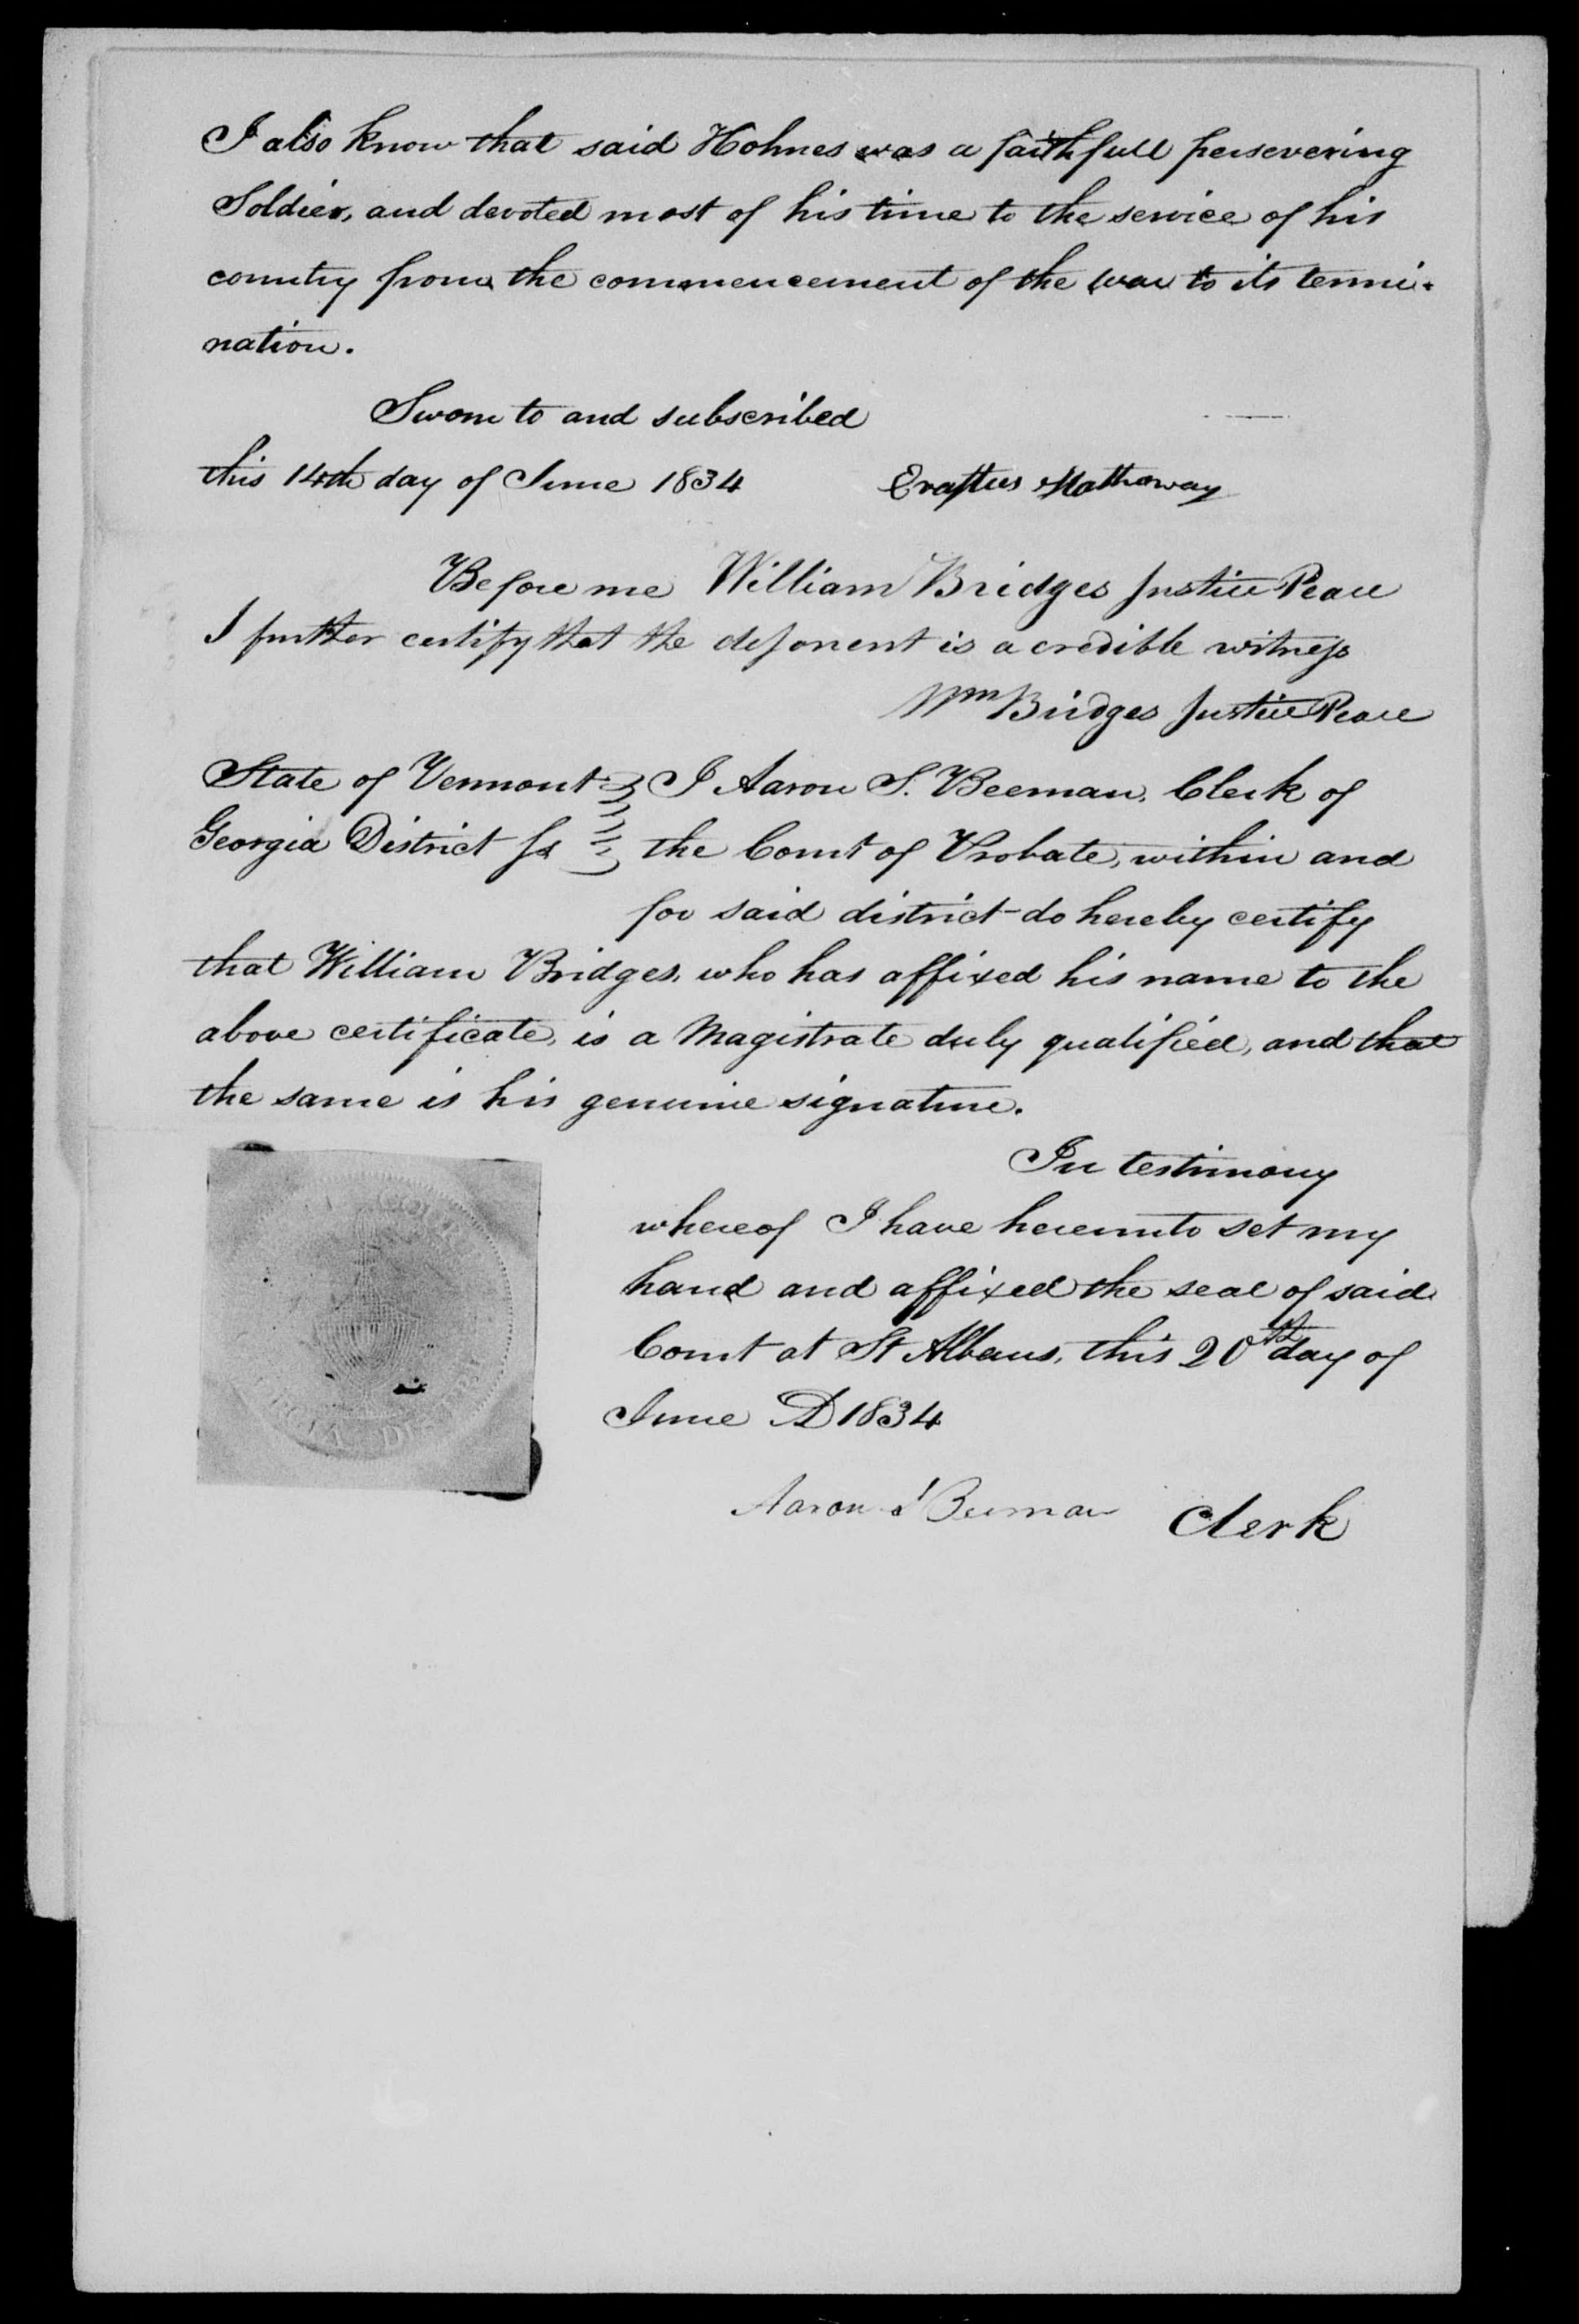I also know that said Holmes was a faithfull persevering Soldier, and devoted most of his time to the service of his county from the commencement of the war to its termination.

Sworn to and subscribed this 14th day of June 1834

Erastus Hatheway

Before me William Bridges Justice Peace I further certify that the deponent is a credible witness

Wm Bridges Justice Peace

State of Vermont
George District ss

I Aaron S. Beeman Clerk of the County Probate, within and for said district do hereby certify that William Bridges, who has affixed his name to the above certificate, is a Magistrate duly qualified, and that the same is his genuine signature.

[seal of St Albans Court of Probate]

In testimony whereof I have hereunto set my hand and affixed the seal of said Court at St Albans, this 20th day of June AD 1834

Aaron S Beeman Clerk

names: Aaron S Beeman, William Bridges, Wm Bridges, Aaron S Beeman, Erastus Hatheway, William Bridges, Holmes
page: 56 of 72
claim: widow's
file: W. 7771, Stephen Holmes, Vt.